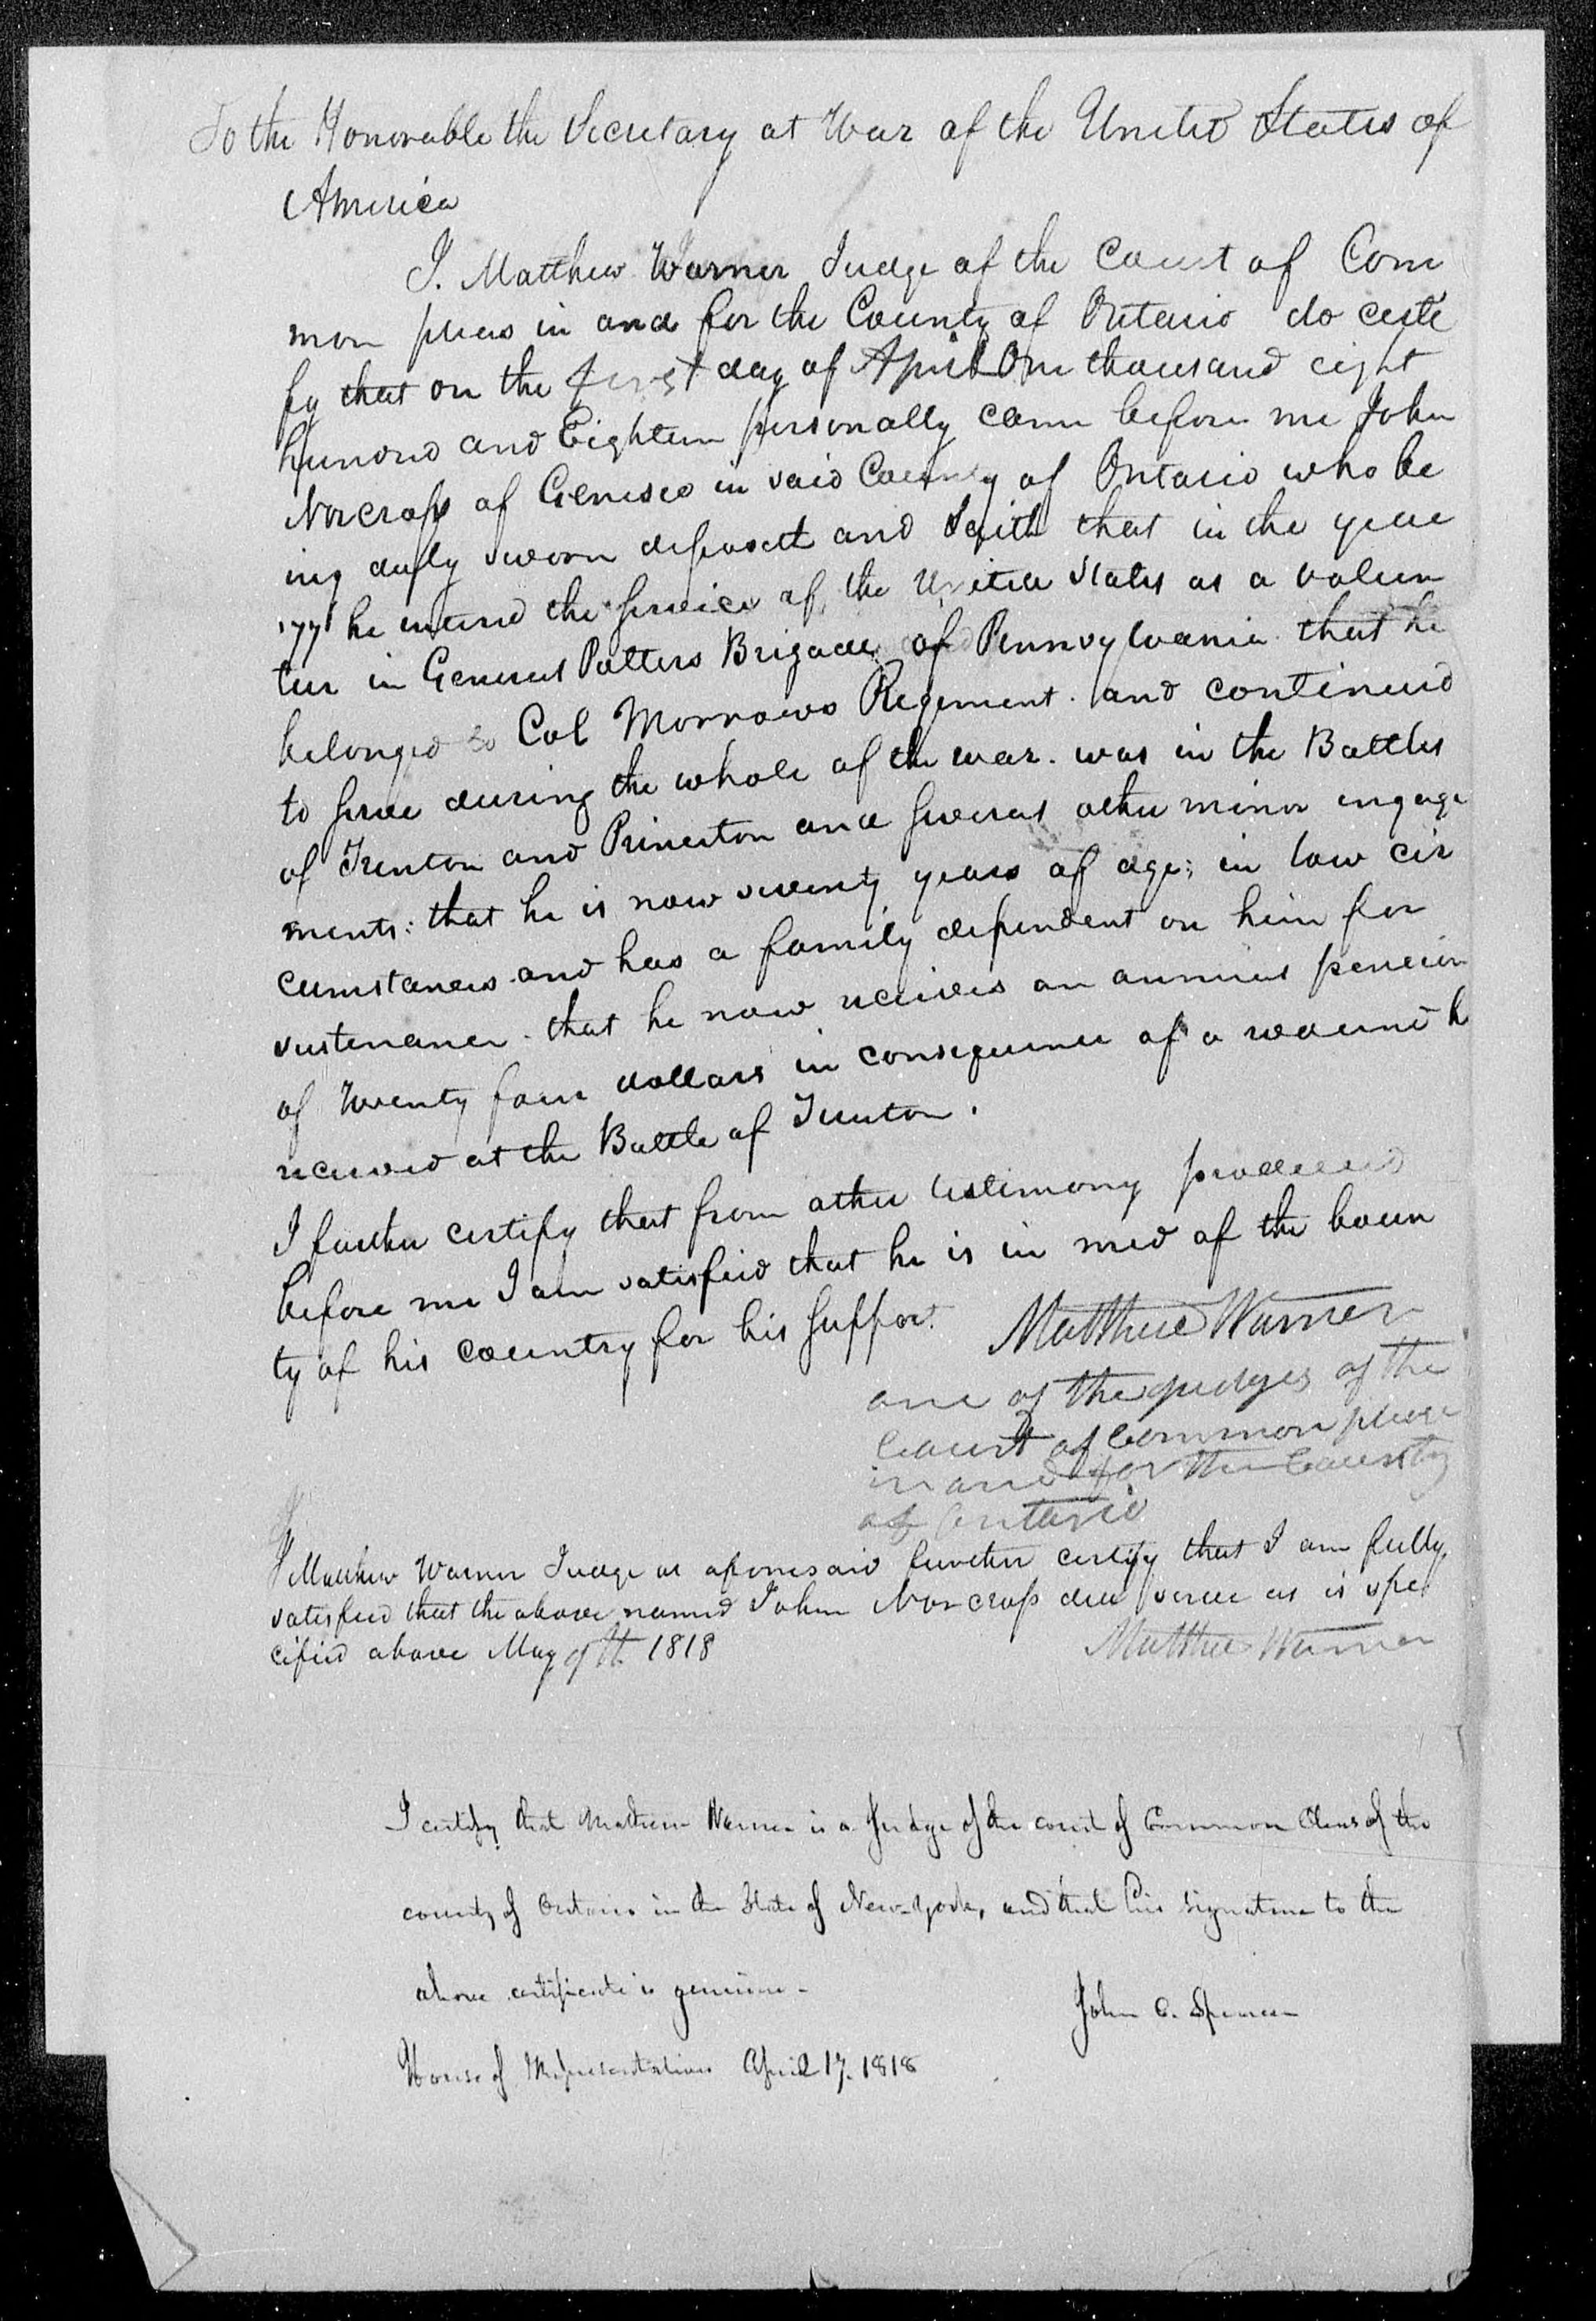To the Honorable the Secretary at War of the United States of America
I. Matthew Warner Judge of the Court of Common pleas in and for the County of  Ontario do certify that on the first day of April One thousand eight hundred and Eighteen personally came before me John Norcross of Genese in said County of Ontario who being duly sworn ??? and saith that in the year '77 he entered the service of the United States as a volunteer in General Potters Brigade of Pennsylvania that he belonged to Col Morrows Regiment and continued to serve during the whole of the war in the Battle of Trenton and Princeton and several other minor engagements: that he is now seventy years of age; in low circumstances and has a family dependent on him for sustenance. that he now receives an annual pension of twenty four dollars in consequence of a wound he received at the battle of Trenton.
I further certify that from other testimony forsworn before me I am satisfied that he is in need of the bounty of his country for his support.        Matthew Warner
one of the judges of the 
Court of Common pleas
in and for the County 
of Ontario
J Matthew Warner Judge do affirm and further certify that I am fully satisfied that the above named John Norcross did serve in the citied above May 11 1818

I certify that Matthew Warner is a Judge of the court of Common Pleas of the county of Ontario in the State of New York, and that his signature to the above certificate is genuine.
John C. Spencer
House of Representatives April 17, 1818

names: John Norcross; John C Spencer; Matthew Warner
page: 5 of 23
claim: survivor's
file: S. 27257, for John Norcross, Pennsylvania